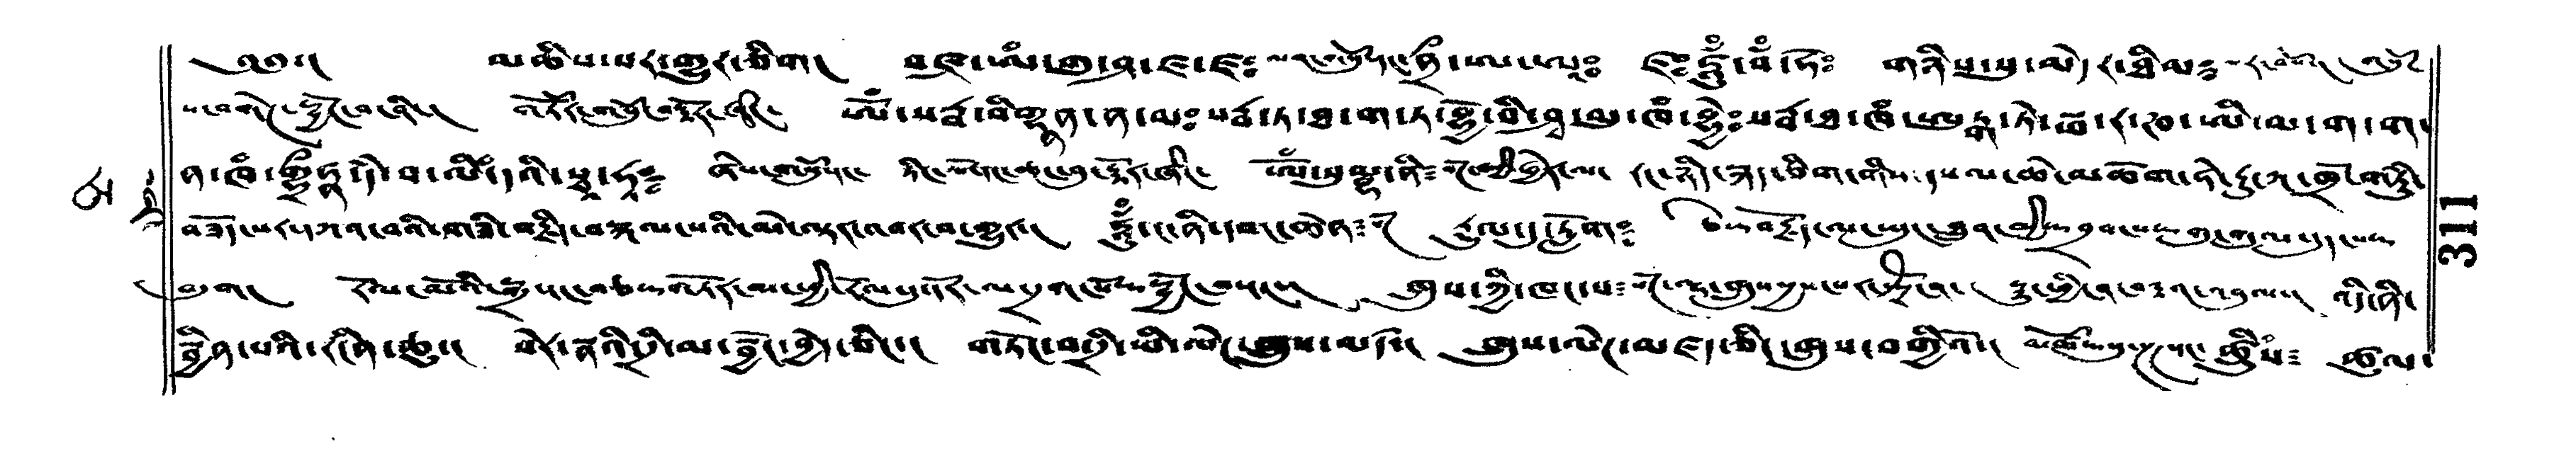མཆིས་པར་གྱུར་ཅིག བཛྲ་ཨཾ་ཀུ་ཤ་ཛ་ཛཿ ལན་གསུམ་དང་ནྲྀ་ཨ་ཨཱཿ ཛཿཧཱུྃ་བྃ་ཧོཿ གཉིས་སུ་མེད་པར་ཐིམ། པར་བསམ། གསུམ་
པ་བགེགས་སྦྱོང་བ་ནི། གཏོར་མ་གསུམ་སྐོར་ཞིང་། ཨོཾ་སརྦ་བིགྷྣན་ན་མཿསརྦ་ཏ་ཐ་ག་ཏ་བྷྱོ་བི་ཤྭ་མུ་ཁཾ་ཨུཏྒ་ཏེ་སྥ་ར་ཎ་ཨི་མ་ག་ག་
ན་ཁཾ་གྷྲྀཧྣ་དམ་བ་ལིཾ་དའི་སྭ་ཧཱ།ཞེས་གསུམ་དང་། ཏིང་ལོ་དང་ཆང་བུ་སྐོར་ཞིང་། ཨོཾ་སུམྦྷ་ནི༴ སོགས་ཀྱིས་ཁྱེར་ལ། རང་ཉིད་སྐད་ཅིག་གིས་དཔལ་ཆེ་མཆོག་ཧེ་རུ་ཀ་ཁྲོ་གཏུམ་
བཟོད་པར་དཀའ་བའི་གཟི་བརྗིད་བསྐལ་པའི་མེ་ལྟར་འབར་བར་གྱུར། ཧཱུྃ༔ང་ནི་དབང་ཆེན༴ སོགས། རྡུལ་དུ་རློག༔ ཅེས་བརྗོད་ལ་ཡུངས་ཐུན་གྱིས་བྲབ་པས་གུ་གུལ་དུད་པས་
བདུག རོལ་མོའི་སྒྲ་དང་བཅས་གཏོར་མ་ཕྱི་རོལ་དུ་དོར་ལ་དྲག་པོས་སྦྱོང་བ་དང་། ཁྲུས་ཀྱི་ཁང་པ༴ ལྷ་ཁྲུས་རྒྱས་པར་སྤྲོ་ན། སྐུ་ཕྱི། ན་བཟའ་འབུལ། འདི་ནི་
སྦྱིན་པའི་རིན་ཆེན་ཆུ། །སེར་སྣའི་དྲི་མ་སྦྱོང་བྱེད་ཅིང་། །གཏོང་བ་དྲི་ཡི་ལེགས་ཁྲུས་མཛད། ཁྲུས་ལེགས་མཛད་ཅིང་ཁྲུས་བགྱིའོ། མཚམས་སུ་སྔགས་དང་། ཚུལ་ཁྲིམས༴ ཚུལ་